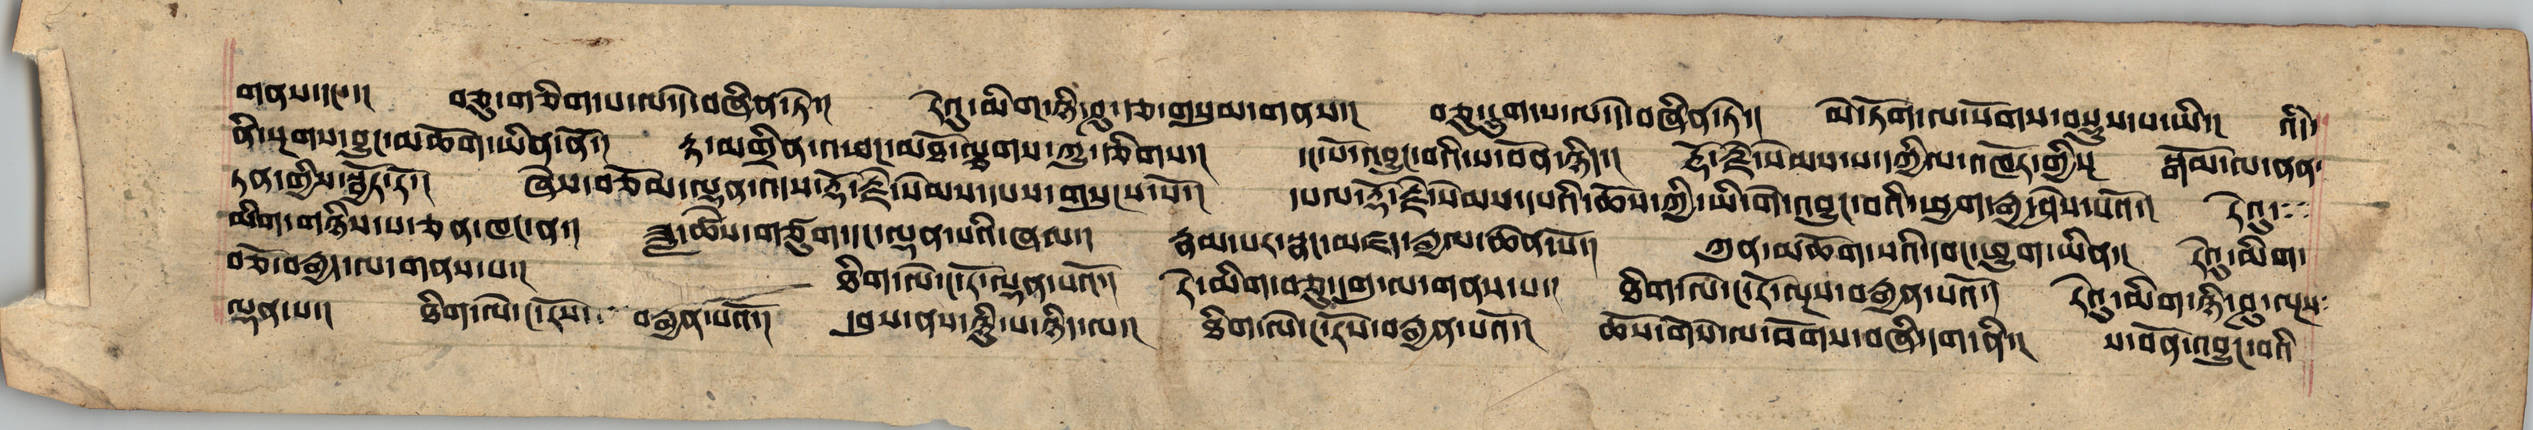གནས་དང་་། བཅུ་གཅིག་པ་ལ་དེ་བཞིན་ཏེ་། རེའུ་མིག་ཉི་ཤུ་རྩ་གསུམ་གནས་། བཅུ་དྲུག་པ་ལ་དེ་བཞིན་ཏེ་། མེ་ཏོག་ལ་སོགས་བསྡུས་པ་ཡི་། འདི་
ནི་སྔགས་བྱུང་མཆོག་ཡིན་ནོ་། རྟ་མགྲིན་འཕང་མཐོ་ལྕགས་ཀྱུ་རྩིགས་། དང་པོ་འབྱུང་བའི་ས་བོན་ཉིད་། རྡོ་རྗེ་སེམས་པ་དཀྱིལ་འཁོར་གྱི་། སྒོམ་ལ་ནན་
ཏན་གྱིས་སྦྱོར་རོ་། ཞེས་བཅོམ་ལྡན་འདས་རྡོ་རྗེ་སེམས་དཔས་གསུངས་སོ་། དཔལ་རྡོ་རྗེ་སེམས་དཔའི་ཆོས་ཀྱི་ཡི་གེ་འབྱུང་བའི་ཕྱག་རྒྱ་ཤེས་པའོ་། རེའུ་
མིག་གཉིས་པ་ཅན་ཁང་ན་། ཟླ་ཚེས་གཙུག་དང་ལྡན་པའི་ཞལ་། རྣམ་པར་སྣང་མཛད་རྒྱལ་ཆེན་པོ་། ཀུན་མཆོག་སའི་དབང་ཕྱུག་ཡིན་། རེའུ་མིག་
བཅོ་བརྒྱད་ལ་གནས་པ་། ཐིག་ལེ་ང་རོ་ལྡན་པའོ་། དེ་མིག་བཅུ་དགུ་ལ་གནས་པ་། ཐིག་ལེ་ང་རོ་ལྔས་བརྒྱན་པའོ་། རེའུ་མིག་ཉི་ཤུ་ལྔས
ལྡན་པ་། ཐིག་ལེ་ང་རོས་ བརྒྱན་པའོ་། དབུས་ནས་ཉིུ་པ་ཉིད་ལ་། ཐིག་ལེ་ང་རོས་བརྒྱན་པའོ་། ཆོས་གོས་ལ་བོགས་བཞི་དག་ནི་། ས་བོན་འབྱུང་བའི་